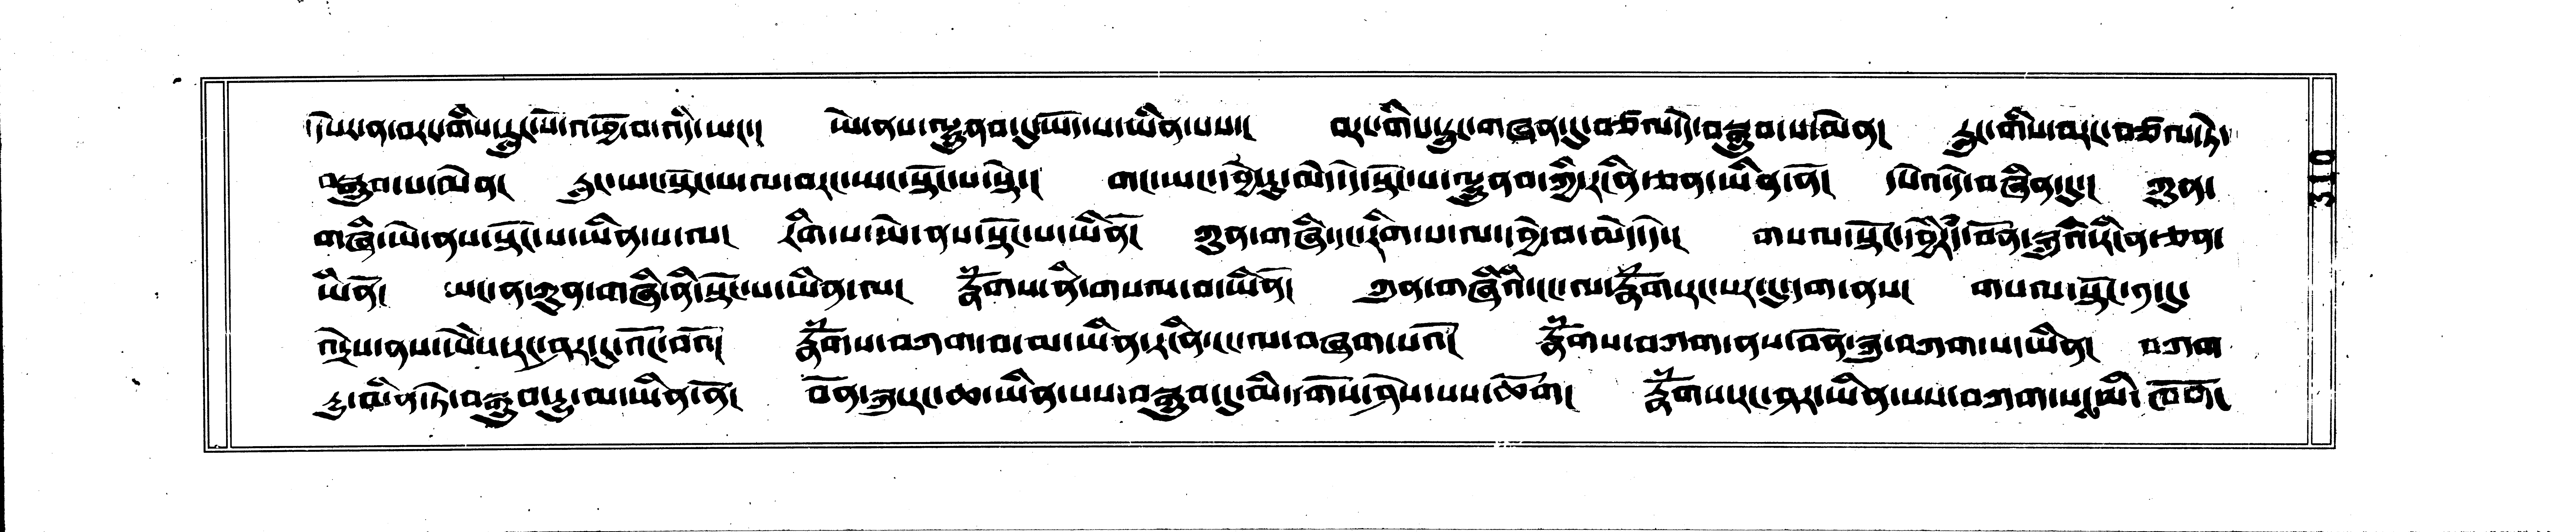དཔེར་ན་བར་སྣང་གིས་རླུང་པོ་འཕྱོ་བ་འདི་ཡང་། ཡེ་ནས་ལྷུན་གྲུབ་དུ་ཡོད་པ་ཡིན་པས། བར་སྣང་གི་རླུང་གིས་གཞན་དུ་བརྩལ་ཏེ་བསྒྲུབ་པ་མེན། རླུང་གིས་བར་སྣང་བརྩལ་ཏེ་
བསྒྲུབ་མེན། རླུང་ཡང་སྟོང་པ་ལ། བར་སྣང་ཡང་སྟོང་པ་སྟེ། གང་ལའང་དབྱེ་རྒྱུ་མེད་དེ་སྟོང་པ་ལྷུན་གྲུབ་ཀྱིས་རང་བཞིན་ཅན་ཡིན་ནོ། དཔེ་དེ་བཞིན་དུ། ཀུན་
གཞི་ཡང་ཡེ་ནས་སྟོང་པ་ཡིན་ལ། རིག་པ་ཡང་ཡེ་སྟོང་པ་ཡིན་ནོ། ཀུན་གཞི་དང་རིག་པ་དབྱེ་བ་མེད་སྟེ། གསལ་སྟོང་དབྱེར་མེད་བོན་སྐུའི་རང་བཞིན་ཅན་
ཡིན་ནོ། ཡང་ན་ཀུན་གཞི་ཡང་སྟོང་པ་ཡིན་ལ། རྣམ་རྟོག་ནི་གསལ་བ་ཡིན་ནོ། ཀུན་གཞིའི་ངང་ལ་རྣམ་རྟོག་དེ་རང་སངས་སུ་དག་ནས། གསལ་སྟོང་གཅིག་དུ་
འདྲེས་ནས་ཡེ་ཤེས་རང་ཤར་དུ་འོང་པའོ། རྣམ་རྟོག་བཀག་པ་མ་ཡིན་རང་བཞིན་རང་ལ་བཞག་པའོ། རྣམ་རྟོག་བཀག་ན་བོན་སྐུ་བཀགས་པ་ཡིན། བཀགས་
རྒྱུ་མེད་དེ་བསྒྲུབ་རྒྱུ་མ་ཡིན་ནོ། བོན་སྐུ་རང་ཆས་ཡིན་པས་བསྒྲུབ་དུ་མི་དགོས་ཤེས་པས་ཆོག རྣམ་རྟོག་རང་ཆས་ཡིན་པས་བཀག་པས་མི་ཁོགས་